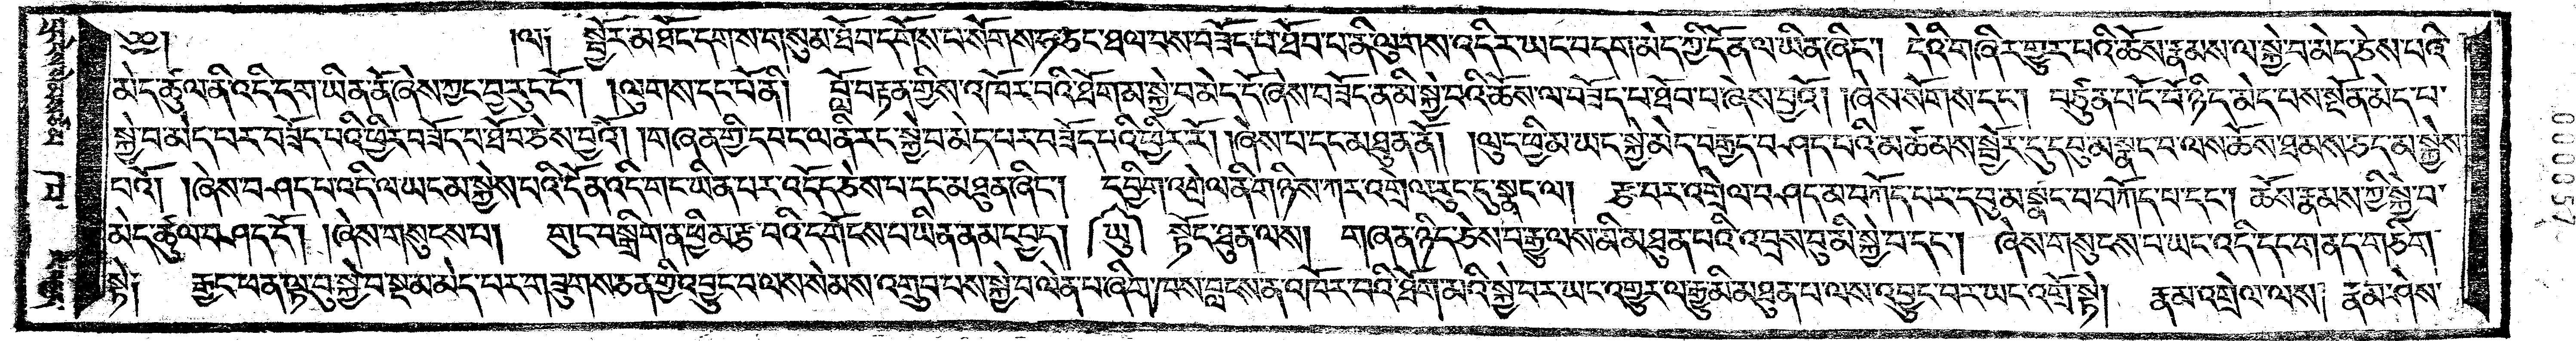༄༅། །ལ༑ སྦྱོར་མཐོང་དག་ས་གསུམ་ཐོབ་དགོས་པ་སོགས་ཧ་ཅང་ཐལ་བས་བཟོད་པ་ཐོབ་པ་ནི་ལུགས་འདིར་ཡང་བདག་མེད་ཀྱི་དོན་ལ་ཡིན་ཞིང་། དེའི་གཞིར་གྱུར་པའི་ཆོས་རྣམས་ལ་སྐྱེ་བ་མེད་ཅེས་པའི་
མེད་ཚུལ་ནི་འདི་དག་ཡིན་ནོ་ཞེས་ཀྱང་བྱ་རུང་ངོ། །ལུགས་དང་པོ་ནི། བློ་བརྟན་གྱིས་འཁོར་བའི་ཐོག་མ་སྐྱེ་བ་མེད་དོ་ཞེས་བཟོད་ན་མི་སྐྱེ་བའི་ཆོས་ལ་བཟོད་པ་ཐོབ་པ་ཞེས་བྱའོ། །ཞེས་སོགས་དང་། བཙུན་པ་ངོ་བོ་ཉིད་མེད་པས་སྔོན་མེད་པ་
སྐྱེ་བ་མེད་པར་བཟོད་པའི་ཕྱིར་བཟོད་པ་ཐོབ་ཅེས་བྱའོ། །གཞན་གྱི་དབང་ལ་ནི་རང་སྐྱེ་བ་མེད་པར་བཟོད་པའི་ཕྱིར་རོ། །ཞེས་པ་དང་མཐུན་ནོ། །ལུང་ཕྱི་མ་ཡང་སྐྱེ་མེད་བརྒྱད་བཤད་པའི་མཚམས་སྦྱོར་དུ་དབུ་མ་སྣང་བ་ལས་ཆོས་ཐམས་ཅད་མ་སྐྱེས་
པའོ། །ཞེས་བཤད་པ་འདི་ལ་ཡང་མ་སྐྱེས་པའི་དོན་འདི་གང་ཡིན་པར་འདོད་ཅེས་པ་དང་མཐུན་ཞིང་། དབྱིག་འགྲེལ་ནི་གཉིས་ཀར་འགྲེལ་རུང་དུ་སྣང་ལ། རྩ་བར་འགྲེལ་བཤད་མ་བཀོད་པར་དབུ་མ་སྣང་བ་བཀོད་པ་དང་། ཆོས་རྣམས་ཀྱི་སྐྱེ་བ་
མེད་ཚུལ་བཤད་དོ། །ཞེས་གསུངས་པ། གུང་བསྒྲིག་ན་ཕྱི་མ་རྩ་བའི་དགོངས་པ་ཡིན་ནམ་དཔྱད། ༼ཡུ༽ སྟོང་ཐུན་ལས། གཞན་ཉིད་ཅེས་པ་རྒྱུ་ལས་མི་མཐུན་པའི་འབྲས་བུ་མི་སྐྱེ་བ་དང་། ཞེས་གསུངས་པ་ཡང་འདི་དང་གནད་གཅིག་
སྟེ༑ རྒྱང་ཕན་ལྟ་བུ་སྐྱེ་བ་སྔ་མ་མེད་པར་གཟུགས་ཅན་གྱི་འབྱུང་བ་ལས་སེམས་འགྲུབ་པས་སྐྱེ་བ་ལེན་པ་ཞིག་ཁས་བླངས་ན་འཁོར་བའི་ཐོག་མའི་སྐྱེ་བར་ཡང་འགྱུར་ལ་རྒྱུ་མི་མཐུན་པ་ལས་འབྱུང་བར་ཡང་འགྲོ་སྟེ། རྣམ་འགྲེལ་ལས། རྣམ་ཤེས་